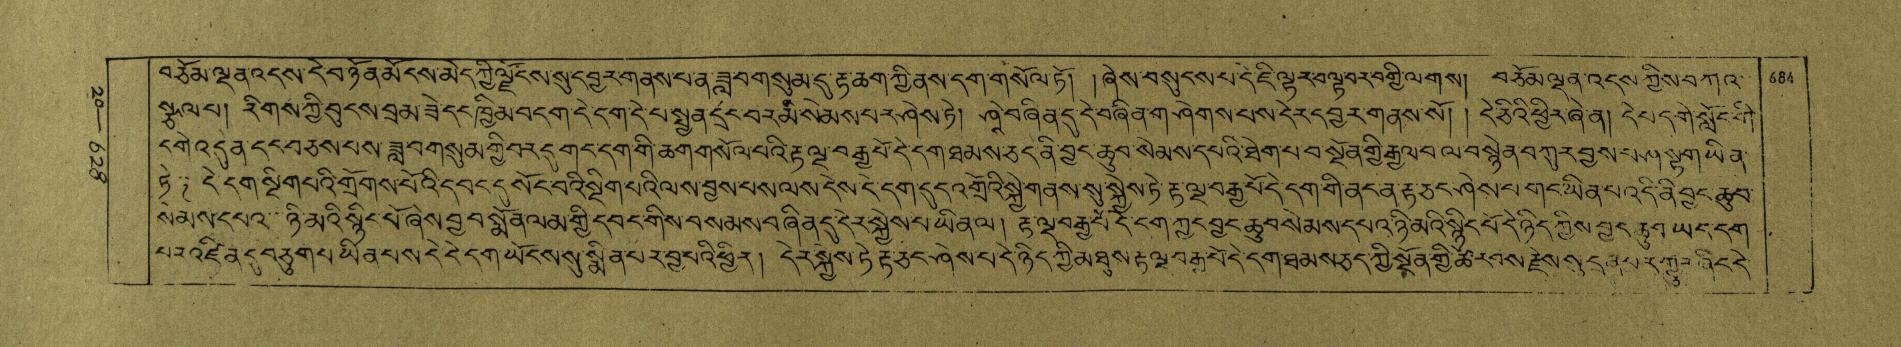བཅོམ་ལྡན་འདས་དེ་བ་ཉོན་མོངས་མེད་ཀྱི་ལྗོངས་སུ་དབྱར་གནས་པ་ན་ཟླ་བ་གསུམ་དུ་རྟ་ཆག་ཀྱི་ནས་དག་གསོལ་ཏོ། །ཞེས་བསུངས་པ་དེ་ཇི་ལྟར་བལྟ་བར་བགྱི་ལགས། བཅོམ་ལྡན་འདས་ཀྱིས་བཀའ་
སྩལ་པ། རིགས་ཀྱི་བུ་ངས་བྲམ་ཟེ་དང་ཁྱིམ་བདག་དེ་དག་དེ་པ་སྤྱན་དྲངས་བར་མི་སེམས་པར་ཤེས་ཏེ། ཤེས་བཞིན་དུ་དེ་བཞིན་གཤེགས་པས་དེར་དབྱར་གནས་སོ། །དེ་ཅིའི་ཕྱིར་ཞེ་ན། དེ་པ་དགེ་སློང་གི་
དགེ་འདུན་དང་བཅས་པས་ཟླ་བ་གསུམ་གྱི་བར་དུ་གང་དག་གི་ཆག་གསོལ་བའི་རྩ་ལྔ་བརྒྱ་པོ་དེ་དག་ཐམས་ཅད་ནི་བྱང་ཆུབ་སེམས་དཔའི་ཐེག་པ་བ་སྔོན་གྱི་རྒྱལ་བ་ལ་བསྙེན་བཀུར་བྱས་པ་ཤ་སྟག་ཡིན་
ཏེ༑ དེ་དག་སྡིག་པའི་གྲོགས་པོའི་དབང་དུས་སོང་བའི་སྡིག་པའི་ལས་བྱས་པས་ལས་དེས་དེ་དག་དུད་འགྲོའི་སྐྱེ་གནས་སུ་སྐྱེས་ཏེ་རྟ་ལྔ་བརྒྱ་པོ་དེ་དག་གི་ནང་ན་རྟ་ཅང་ཤེས་པ་གང་ཡིན་པ་འདི་ནི་བྱང་ཆུབ་
སེམས་དཔའ་ཉི་མའི་སྙིང་པོ་ཞེས་བྱ་བ་སྨོན་ལམ་གྱི་དབང་གིས་བསམས་བཞིན་དུ་དེར་སྐྱེས་པ་ཡིན་ལ། རྟ་ལྔ་བརྒྱ་པོ་དེ་དག་ཀྱང་བྱང་ཆུབ་སེམས་དཔའ་ཉི་མའི་སྙིང་པོ་དེ་ཉིད་ཀྱིས་བྱང་ཆུབ་ཡང་དག་
པར་འཛིན་དུ་བཅུག་པ་ཡིན་པས་དེ་དེ་དག་ཡོངས་སུ་སྨིན་པར་བྱ་པའི་ཕྱིར། དེར་སྐྱེས་ཏེ་རྟ་ཅང་ཤེས་པ་དེ་ཉིད་ཀྱི་མཐུས་རྟ་ལྔ་བརྒྱ་པོ་དེ་དག་ཐམས་ཅད་ཀྱི་སྔོན་གྱི་ཚེ་རབས་རྗེས་སུ་དྲན་པར་གྱུར་ཞིང་དེ་